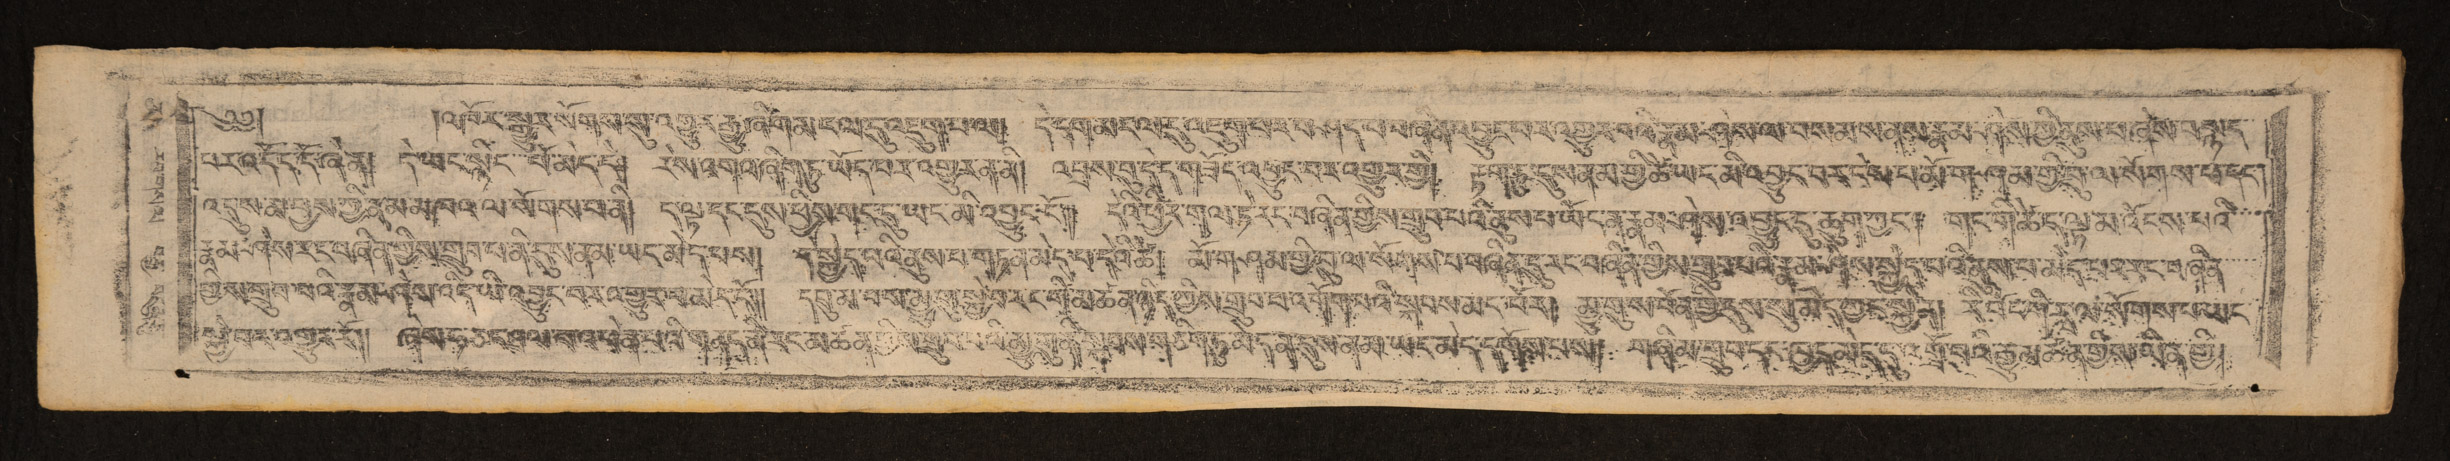༄༅། །འཁོར་སྒྱུར་སོགས་སུ་འགྱུར་རྒྱུ་ཞིག་མངལ་དུ་འཇུག་པ་ལ། དེ་དག་མངལ་དུ་འཇུག་པར་བཤད་པ་བཞིན་འབྱུང་བར་འགྱུར་བའི་རྣམ་ཤེས་ལ་བསམས་ནས་རྣམ་ཤེས་ཀྱི་ནུས་པ་ཞེས་བསྙད་
པར་འདོད་དོ་ཞེ་ན། དེ་ཡང་སྙིང་པོ་མེད་དེ། རེས་འགའ་ཞིག་ཏུ་ཡོད་པར་འགྱུར་ན་ནི། འབྲས་བུ་དེ་ད་གཟོད་འབྱུང་བར་འགྱུར་གྱི། རྟག་ཏུ་དུས་ནམ་གྱི་ཚེ་ཡང་མི་འབྱུང་བར་ངེས་པ་མོ་གཤམ་གྱི་བུ་ལ་སོགས་པ་དང་།
འདུས་མ་བྱས་ཀྱི་ནམ་མཁའ་ལ་སོགས་པ་ནི། ད་ལྟ་དང་དུས་ཕྱིས་གང་དུ་ཡང་མི་འབྱུང་ངོ།། དེའི་ཕྱིར་གལ་ཏེ་རང་བཞིན་གྱིས་གྲུབ་པའི་ནུས་པ་ཡོད་ན་རྣམ་ཤེས་འབྱུང་དུ་ཆུག་ཀྱང་། གང་གི་ཚེ་ད་ལྟ་མ་འོངས་པའི་
རྣམ་ཤེས་རང་བཞིན་གྱིས་གྲུབ་པ་ནི་དུས་ནམ་ཡང་མེད་པས། དེ་སྐྱེད་པའི་ནུས་པ་གཏན་མེད་པ་དེའི་ཚེ། མོ་གཤམ་གྱི་བུ་ལ་སོགས་པ་བཞིན་དུ་རང་བཞིན་གྱིས་གྲུབ་པའི་རྣམ་ཤེས་སྐྱེད་པའི་ནུས་པ་མེད་པར་རང་བཞིན་
གྱིས་གྲུབ་པའི་རྣམ་ཤེས་འདི་ཡི་འབྱུང་བར་འགྱུར་བ་མེད་དོ།། དབུ་མ་པས་མྱུ་གུ་སྐྱེ་བ་རང་གི་མཚན་ཉིད་ཀྱིས་གྲུབ་པ་འགོག་པའི་སྐབས་མང་པོར། མྱུ་གུ་ས་བོན་གྱི་དུས་སུ་མེད་ཀྱང་སྐྱེ་ན། རི་བོང་གི་རྭ་ལ་སོགས་པ་ཡང་
སྐྱེ་བར་འགྱུར་རོ།། ཞེས་ཧ་ཅང་ཐལ་བ་འཕེན་པའི་གནད་ནི་རང་མཚན་གྱིས་གྲུབ་པའི་མྱུ་གུ་ནི་སྐབས་གཅིག་ཏུ་མེད་ན་དུས་ནམ་ཡང་མེད་དགོས་པས། གཞི་མ་གྲུབ་དང་ཁྱད་མེད་དུ་འགྲོ་བའི་རྒྱུ་མཚན་གྱིས་ཡིན་གྱི།